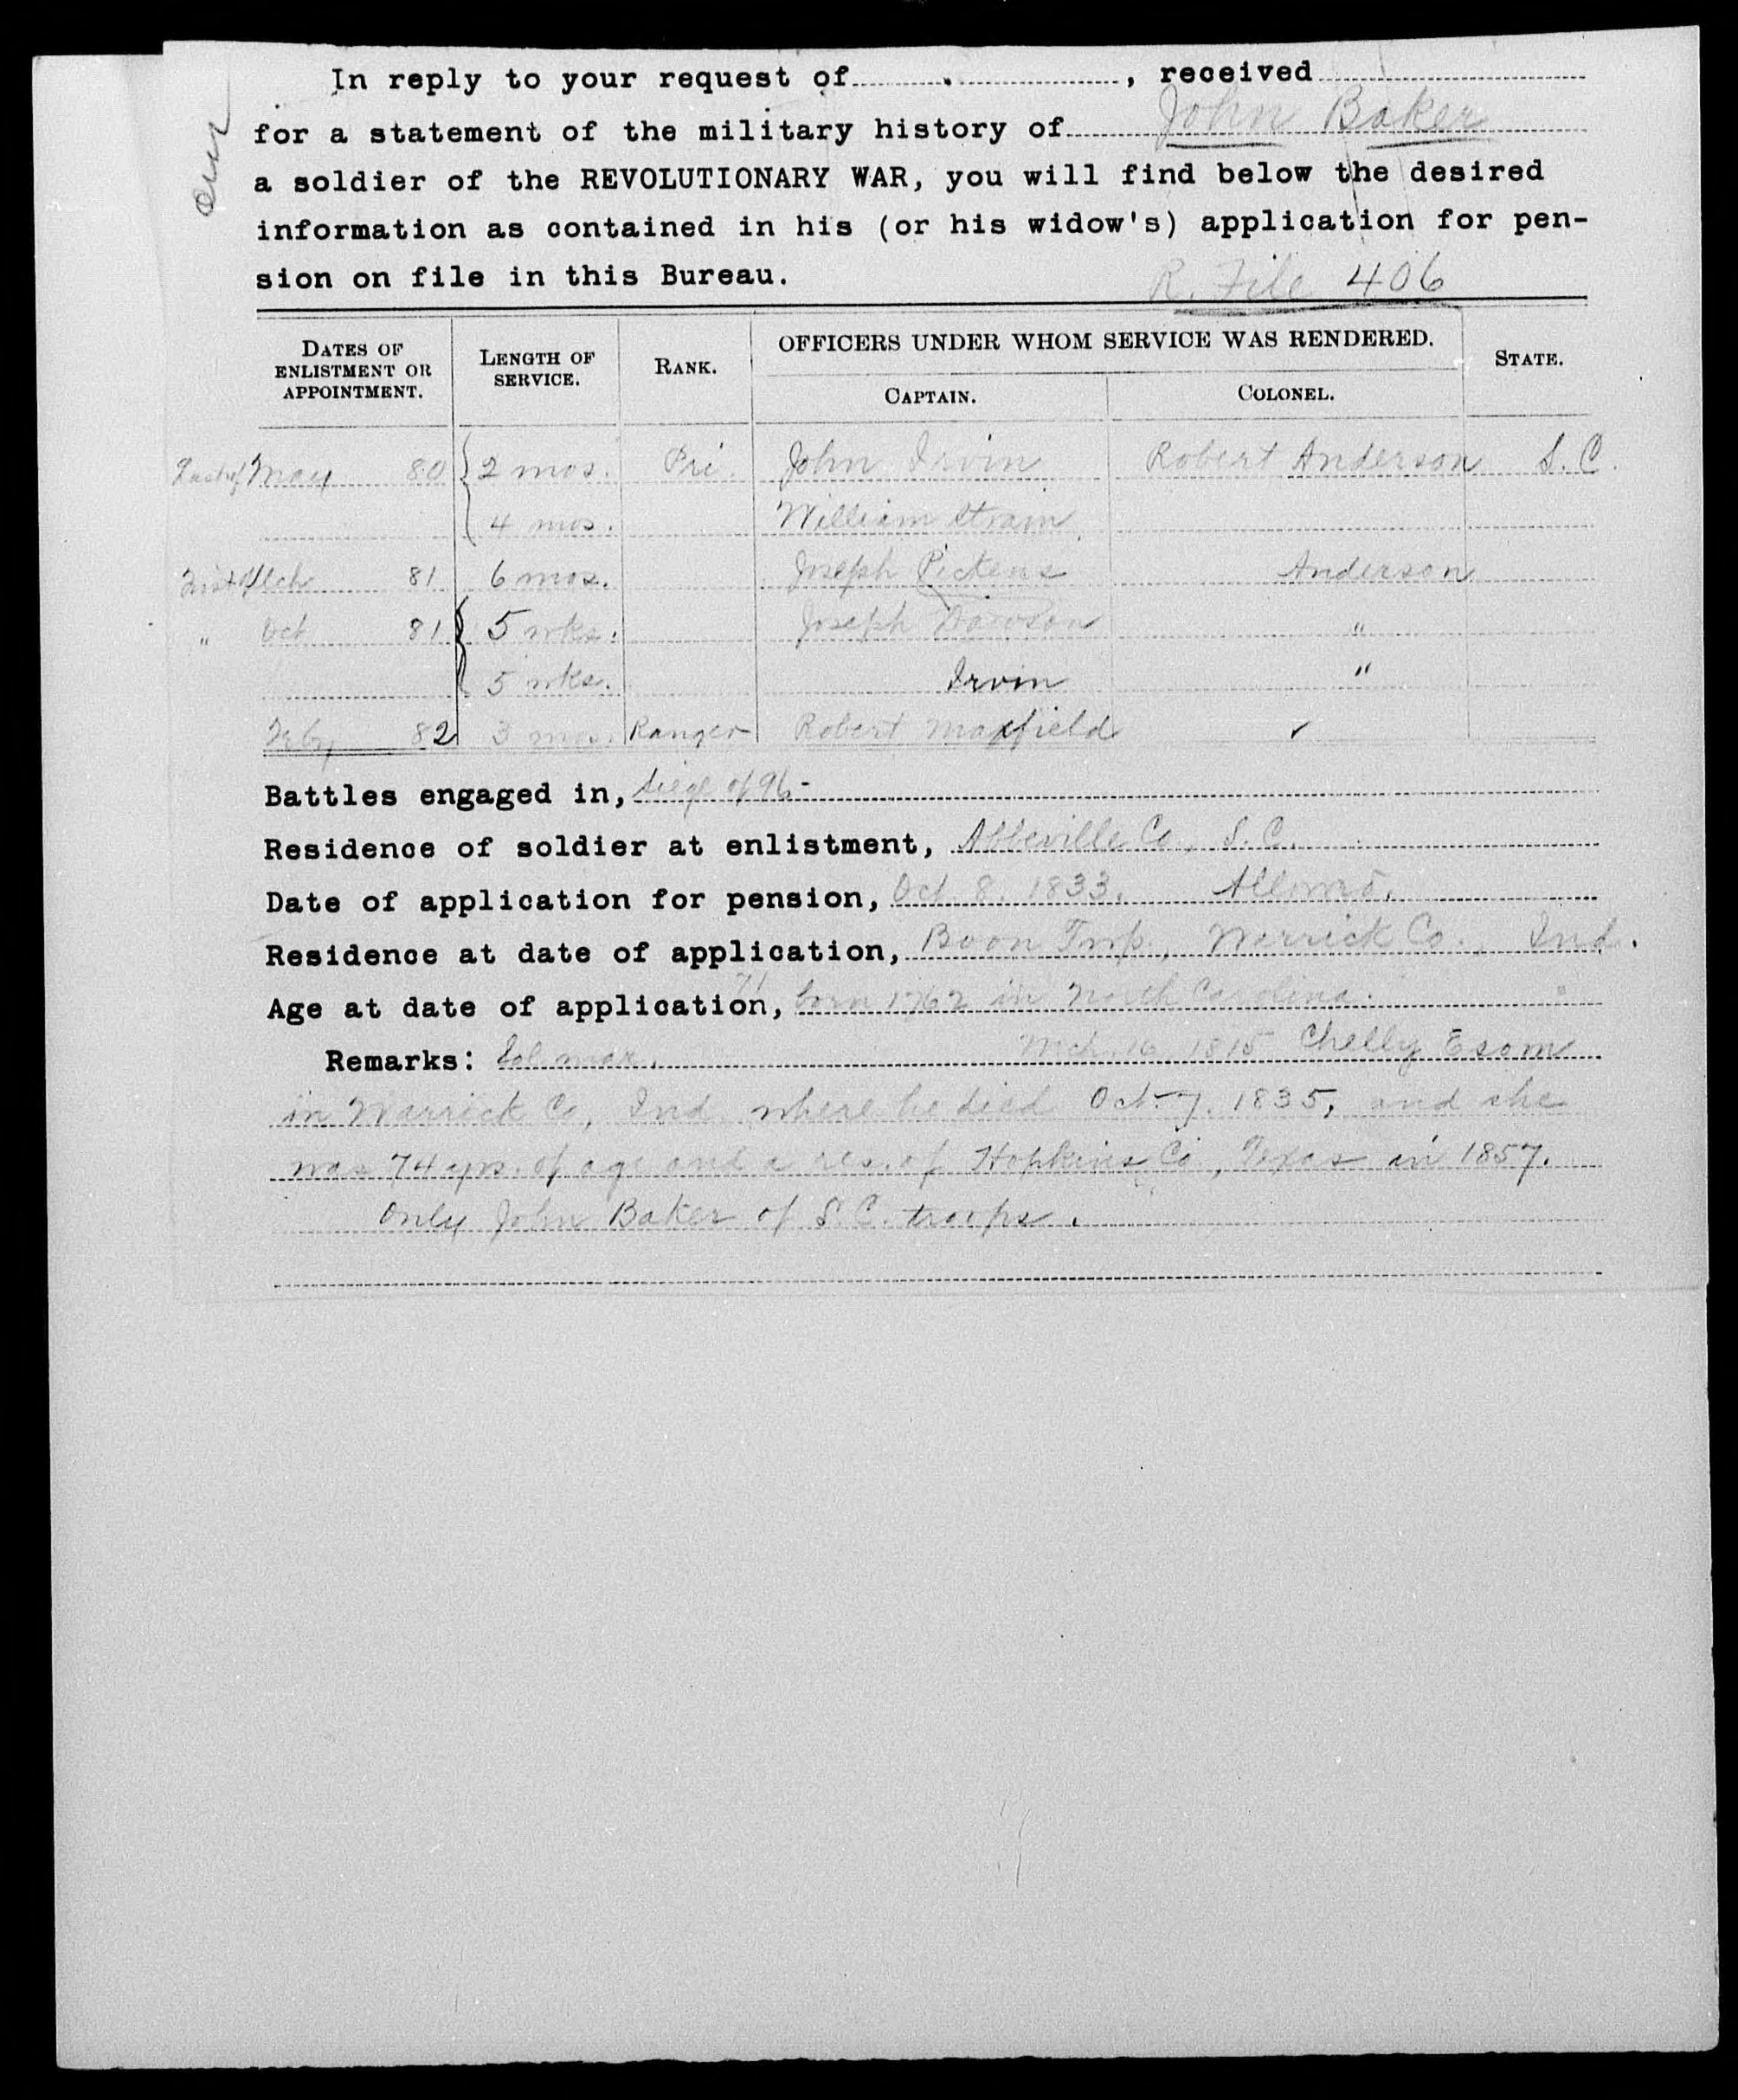In reply to your request of , received for a statement of the military history of John Baker a soldier of the REVOLUTIONARY WAR, you will find below the desired information as contained in his (or his widow's) application for pension on file in this Bureau. R. File 406
DATES OF ENLISTMENT OR APPOINTMENT.
LENGTH OF SERVICE.
RANK.
OFFICERS UNDER WHOM SERVICE WAS RENDERED. CAPTAIN. COLONEL.
STATE. S.C.
Last of May 80
{2 mos. Pri. John Irvin Robert Anderson S.C.
{4 mos. William Strain
First of Mch 81
6 mos. Joseph Pickens Anderson
First of Oct 81
{5 wks. Joseph Dawson " [Anderson]
{5 wks Irvin " [Anderson]
Feby 82 3 mos. Ranger Robert Maxfield " [Anderson]
Battles engaged in, Siege of 96
Residence of soldier at enlistment, Abbeville Co, S.C.
Date of application for pension, Oct. 8 1833. Allmd.
Residence at date of application, Boon Twp Warrick Co., Ind.
Age at date of application, 71 born 1762 in North Carolina.
Remarks: Sol mar. Mch. 16 1815 Chelly Esom in Warrick Co. Ind where he died Oct 7. 1835, and she was 74 yrs of age and a res. of Hopkins Co., Texas in 1857.
only John Baker of S.C. troops.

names: Robert Anderson, Irvin, Chelly Esom, William Strain, Joseph Dawson, Robert Maxfield, Anderson, John Baker, Joseph Pickens, John Irvin, John Baker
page: 18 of 27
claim: rejected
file: R. 406, John Baker, S.C.